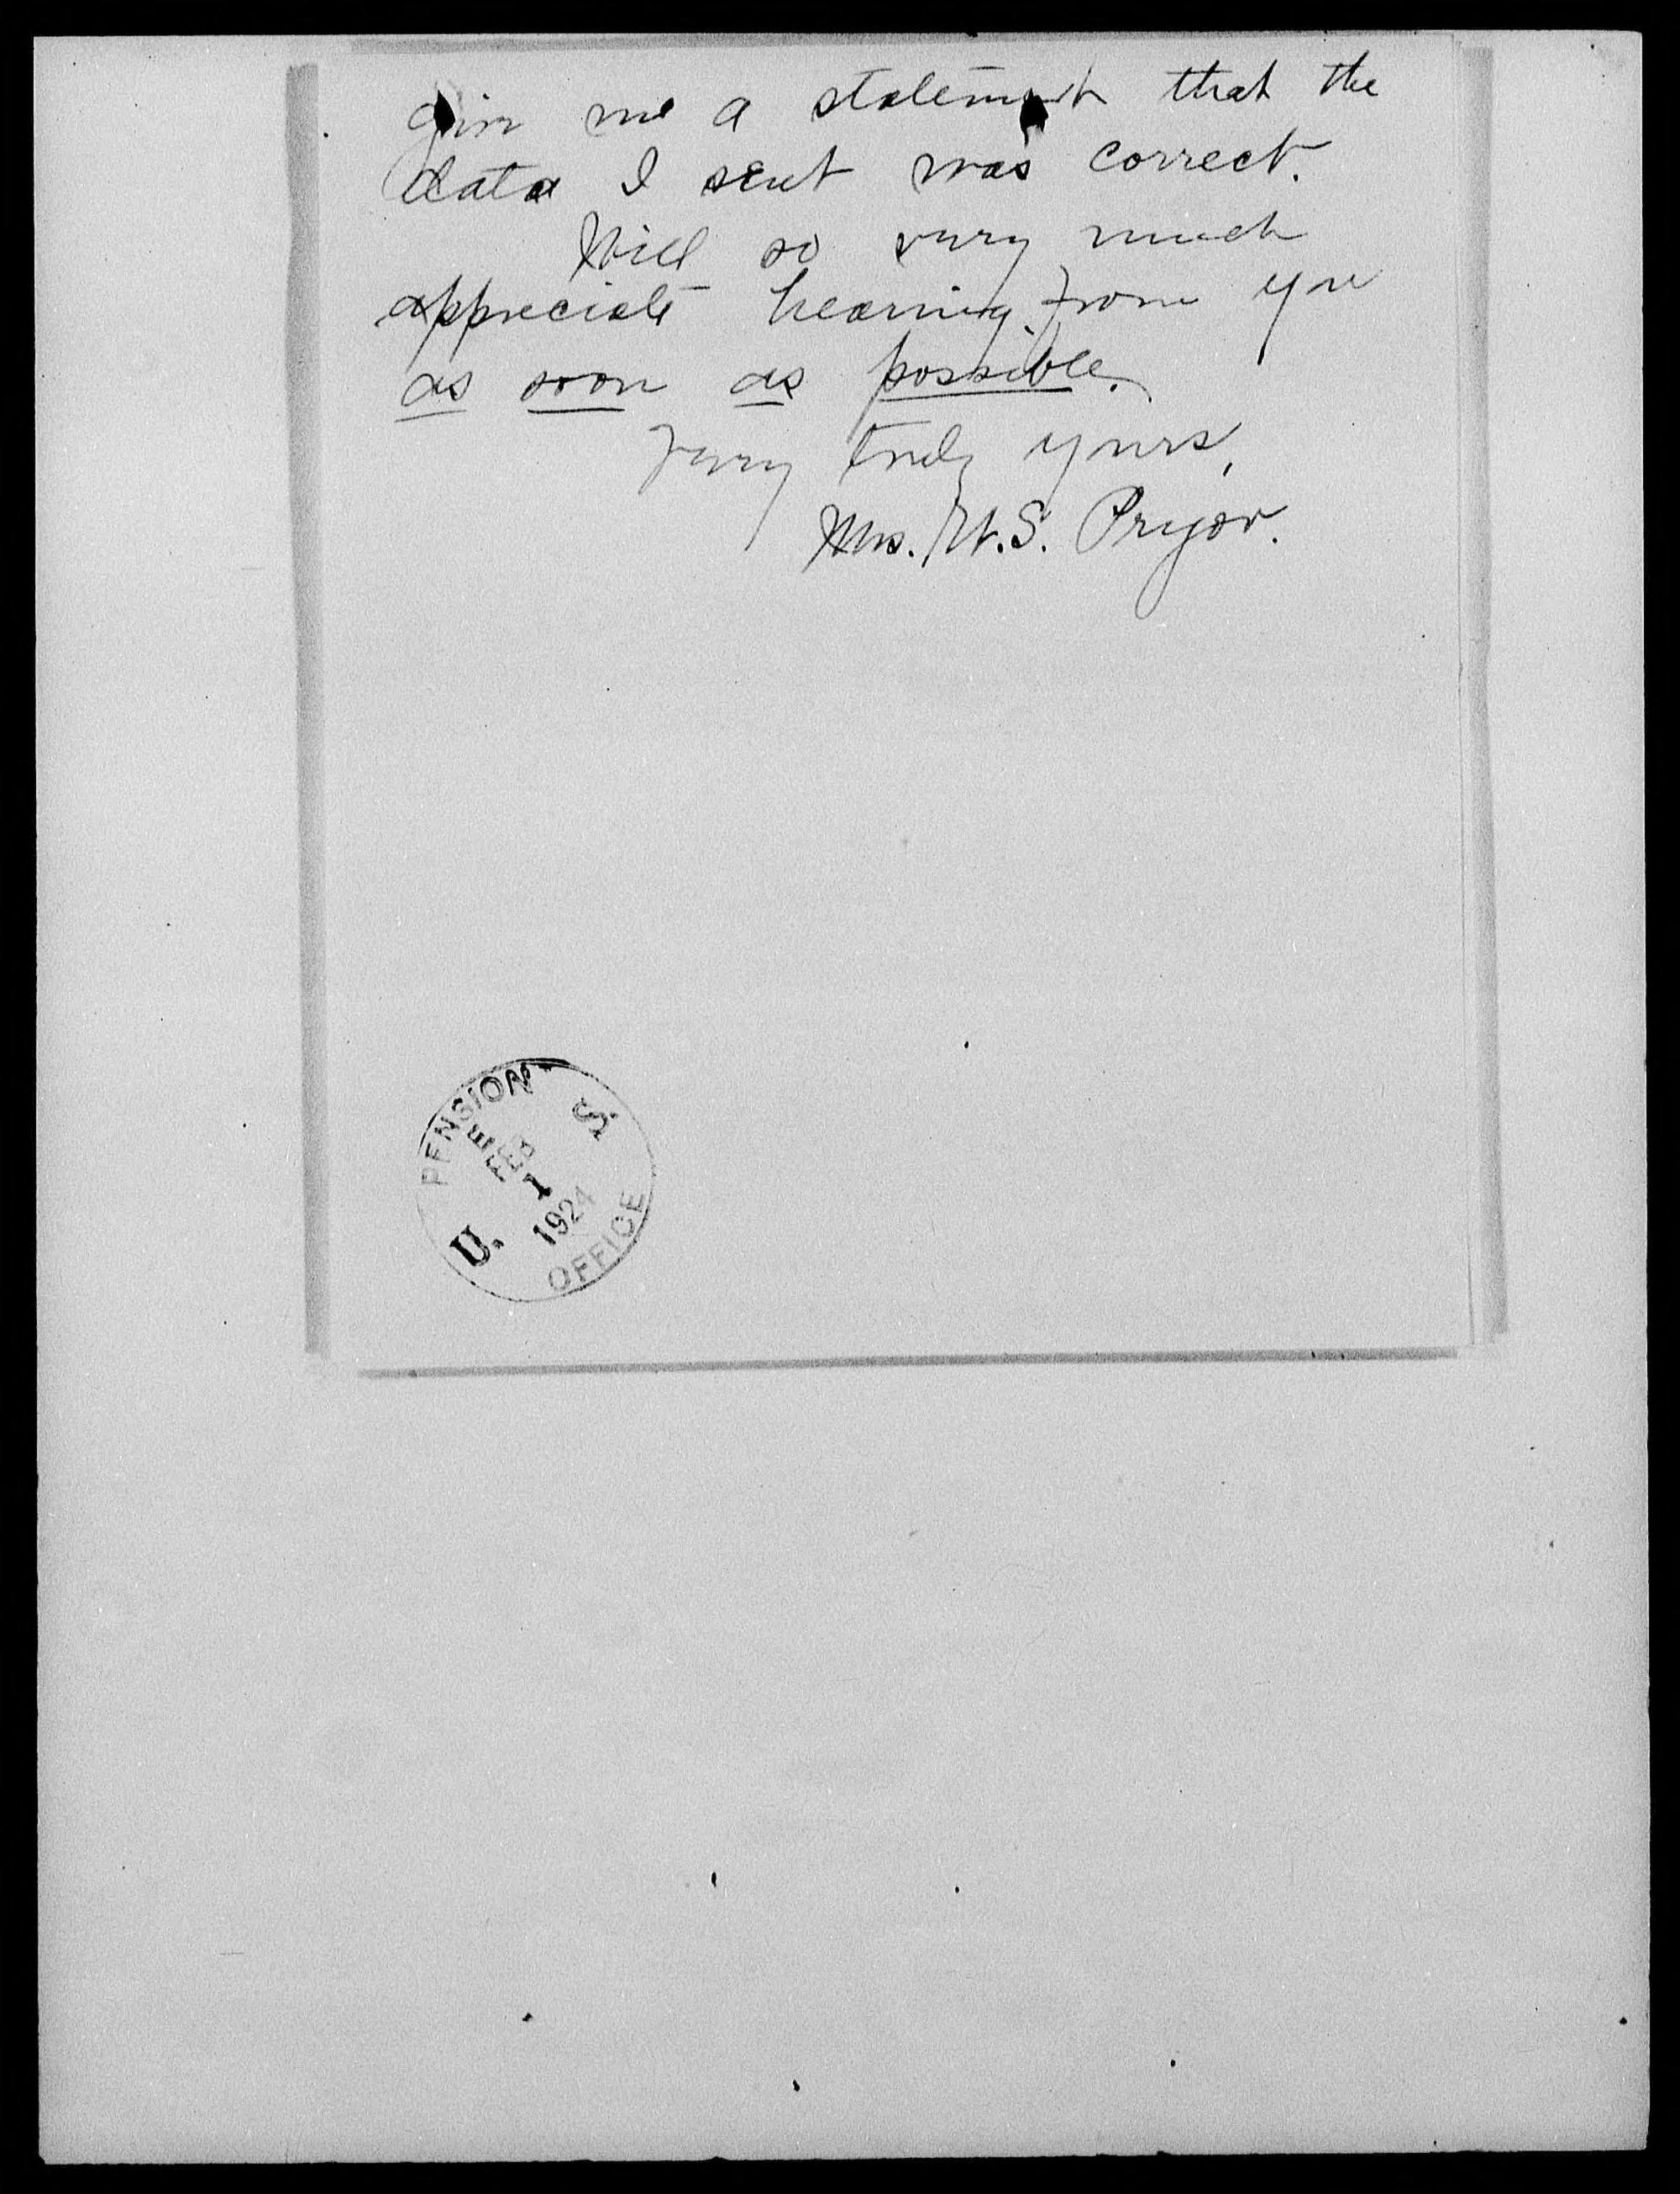give me a statement that the
data I sent was correct.
Will so very much
appreciate hearing from you
as soon as possible.
Very truly yours,
yours,
Mrs. W. S. Pryor

U. S. PENSION OFFICE
E
FEB
1
1924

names: W S Pryor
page: 51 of 79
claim: rejected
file: R. 3863, Robert Gaines, Va.